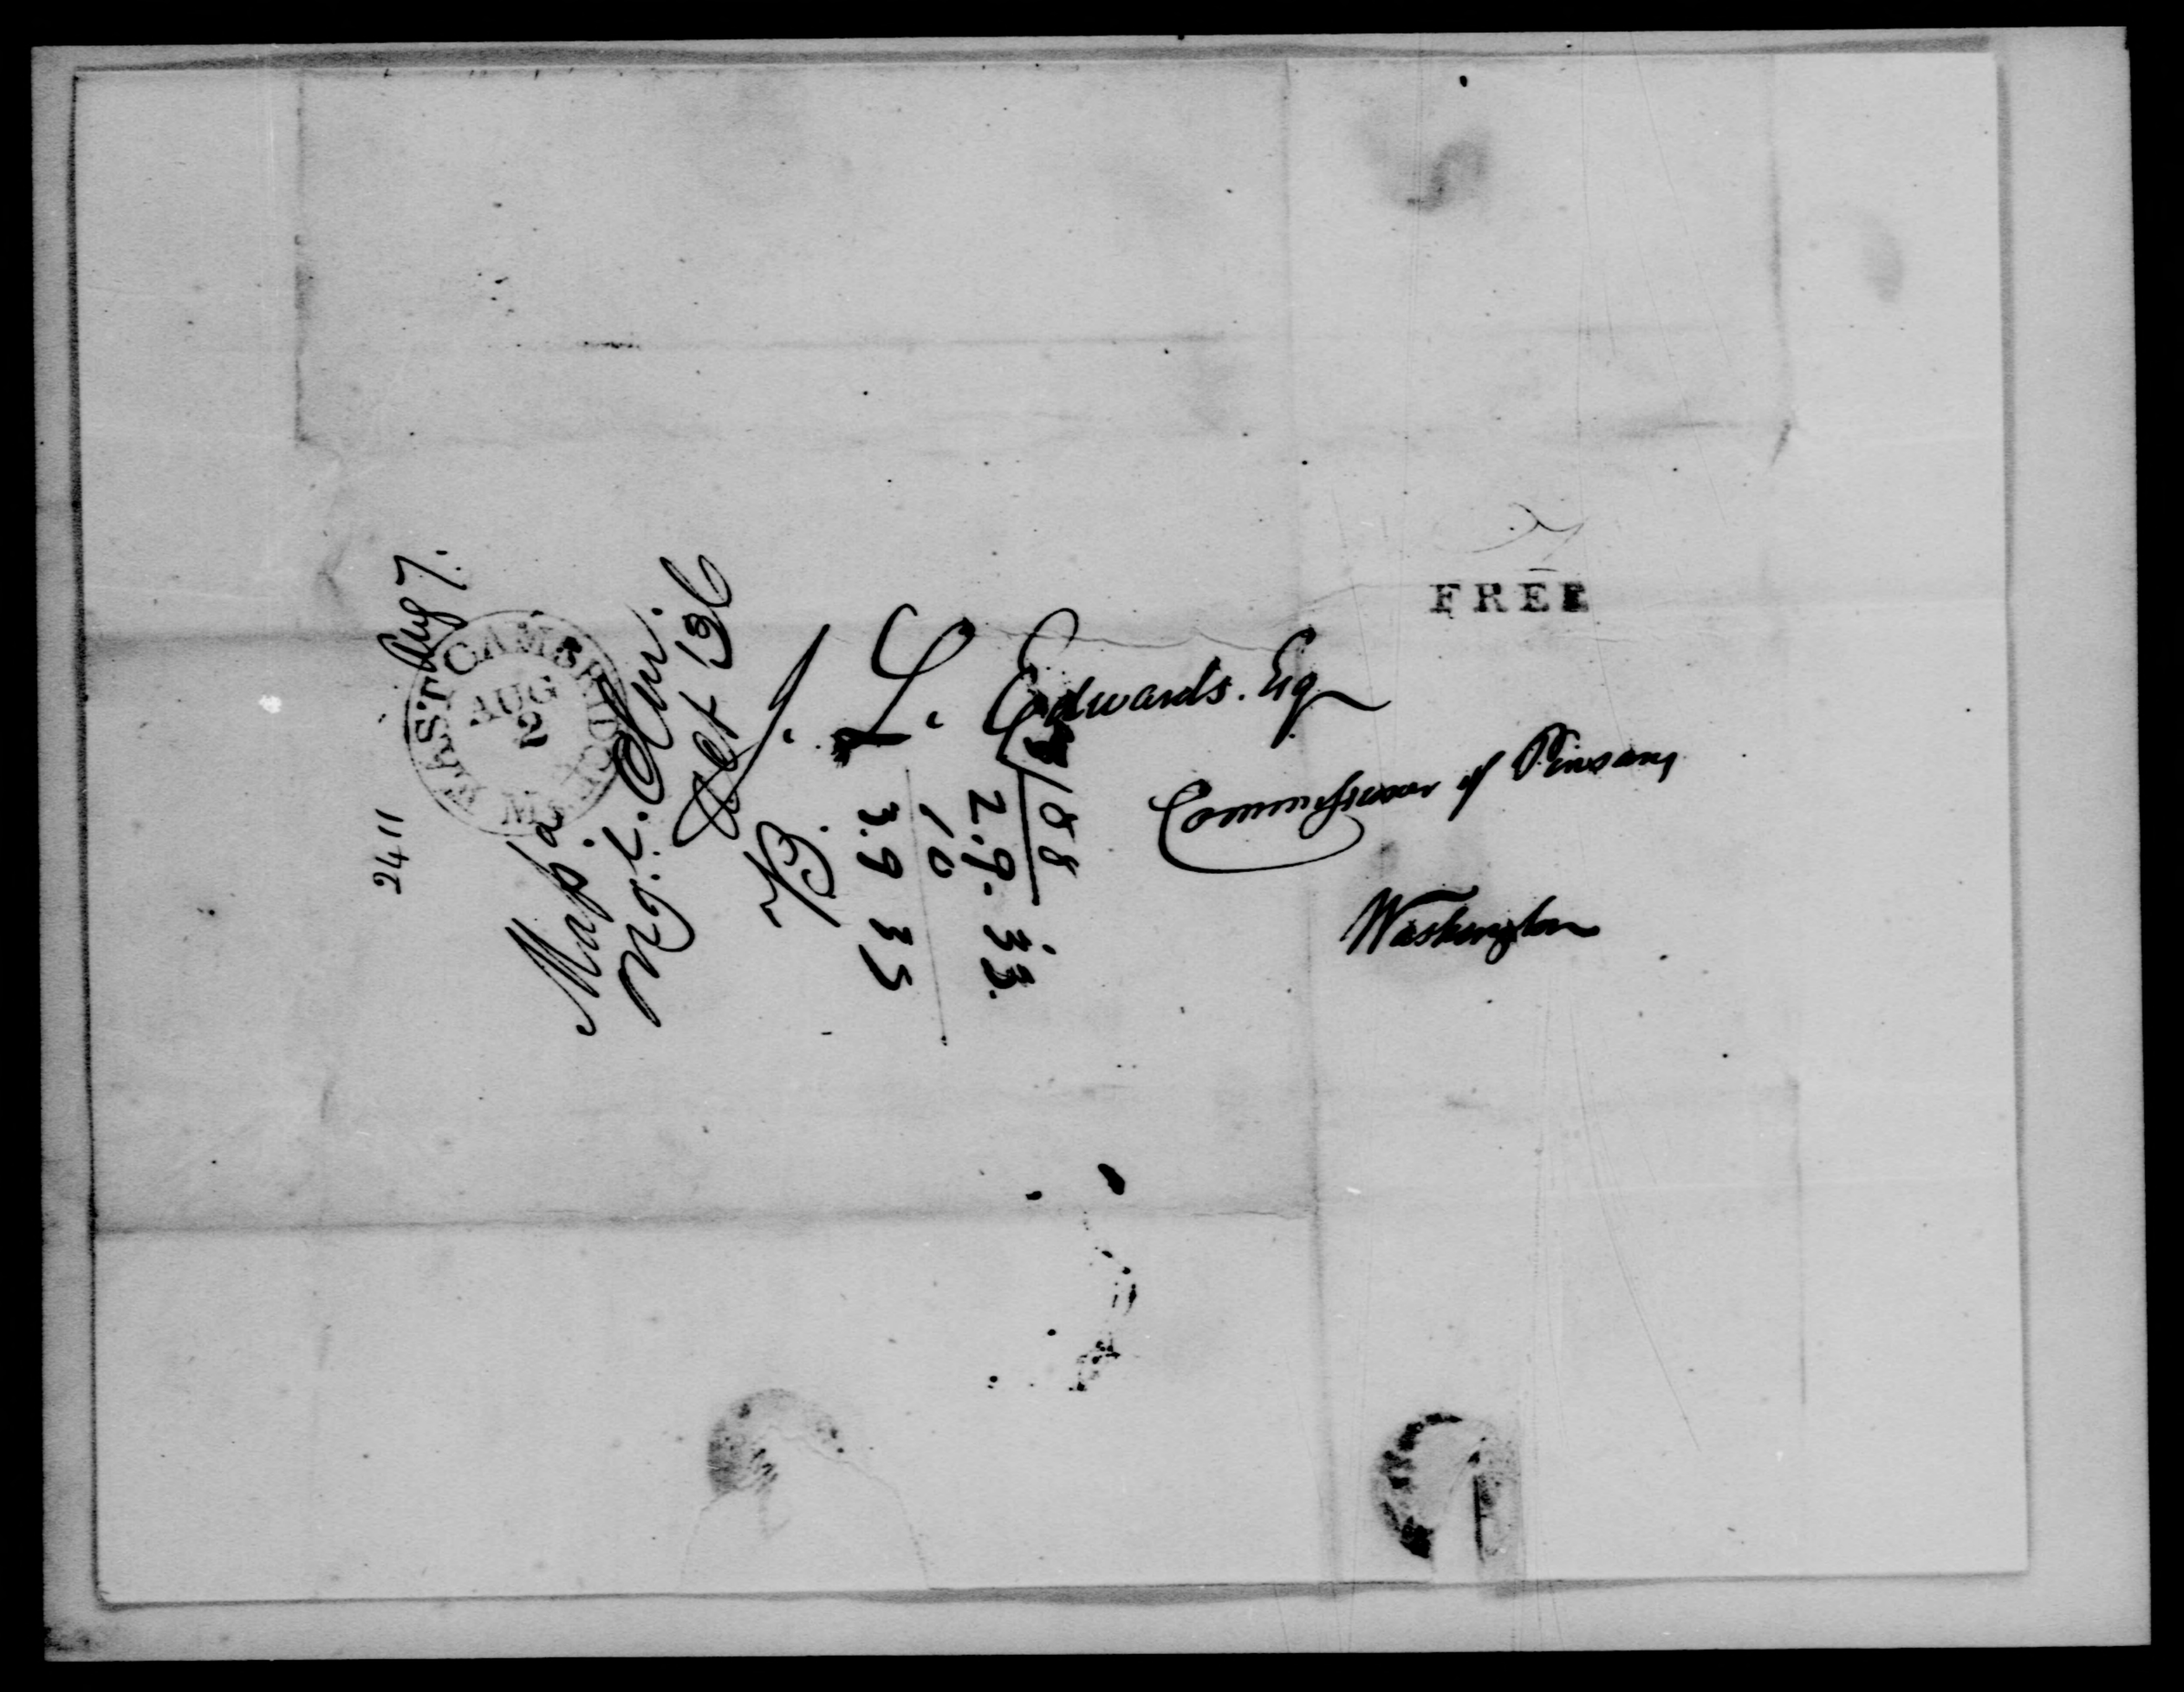J. L. Edwards Esq.              FREE
Commissioner of Pensions
Washington
(postmark-East Cambridge Ma Aug 2)

2611 Aug 7
Mass
mgt. adm.
Act '36
B

88
2.9.33
10
3.9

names: J L Edwards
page: 21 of 34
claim: widow's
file: W. 15439, John Trowbridge, Mass.